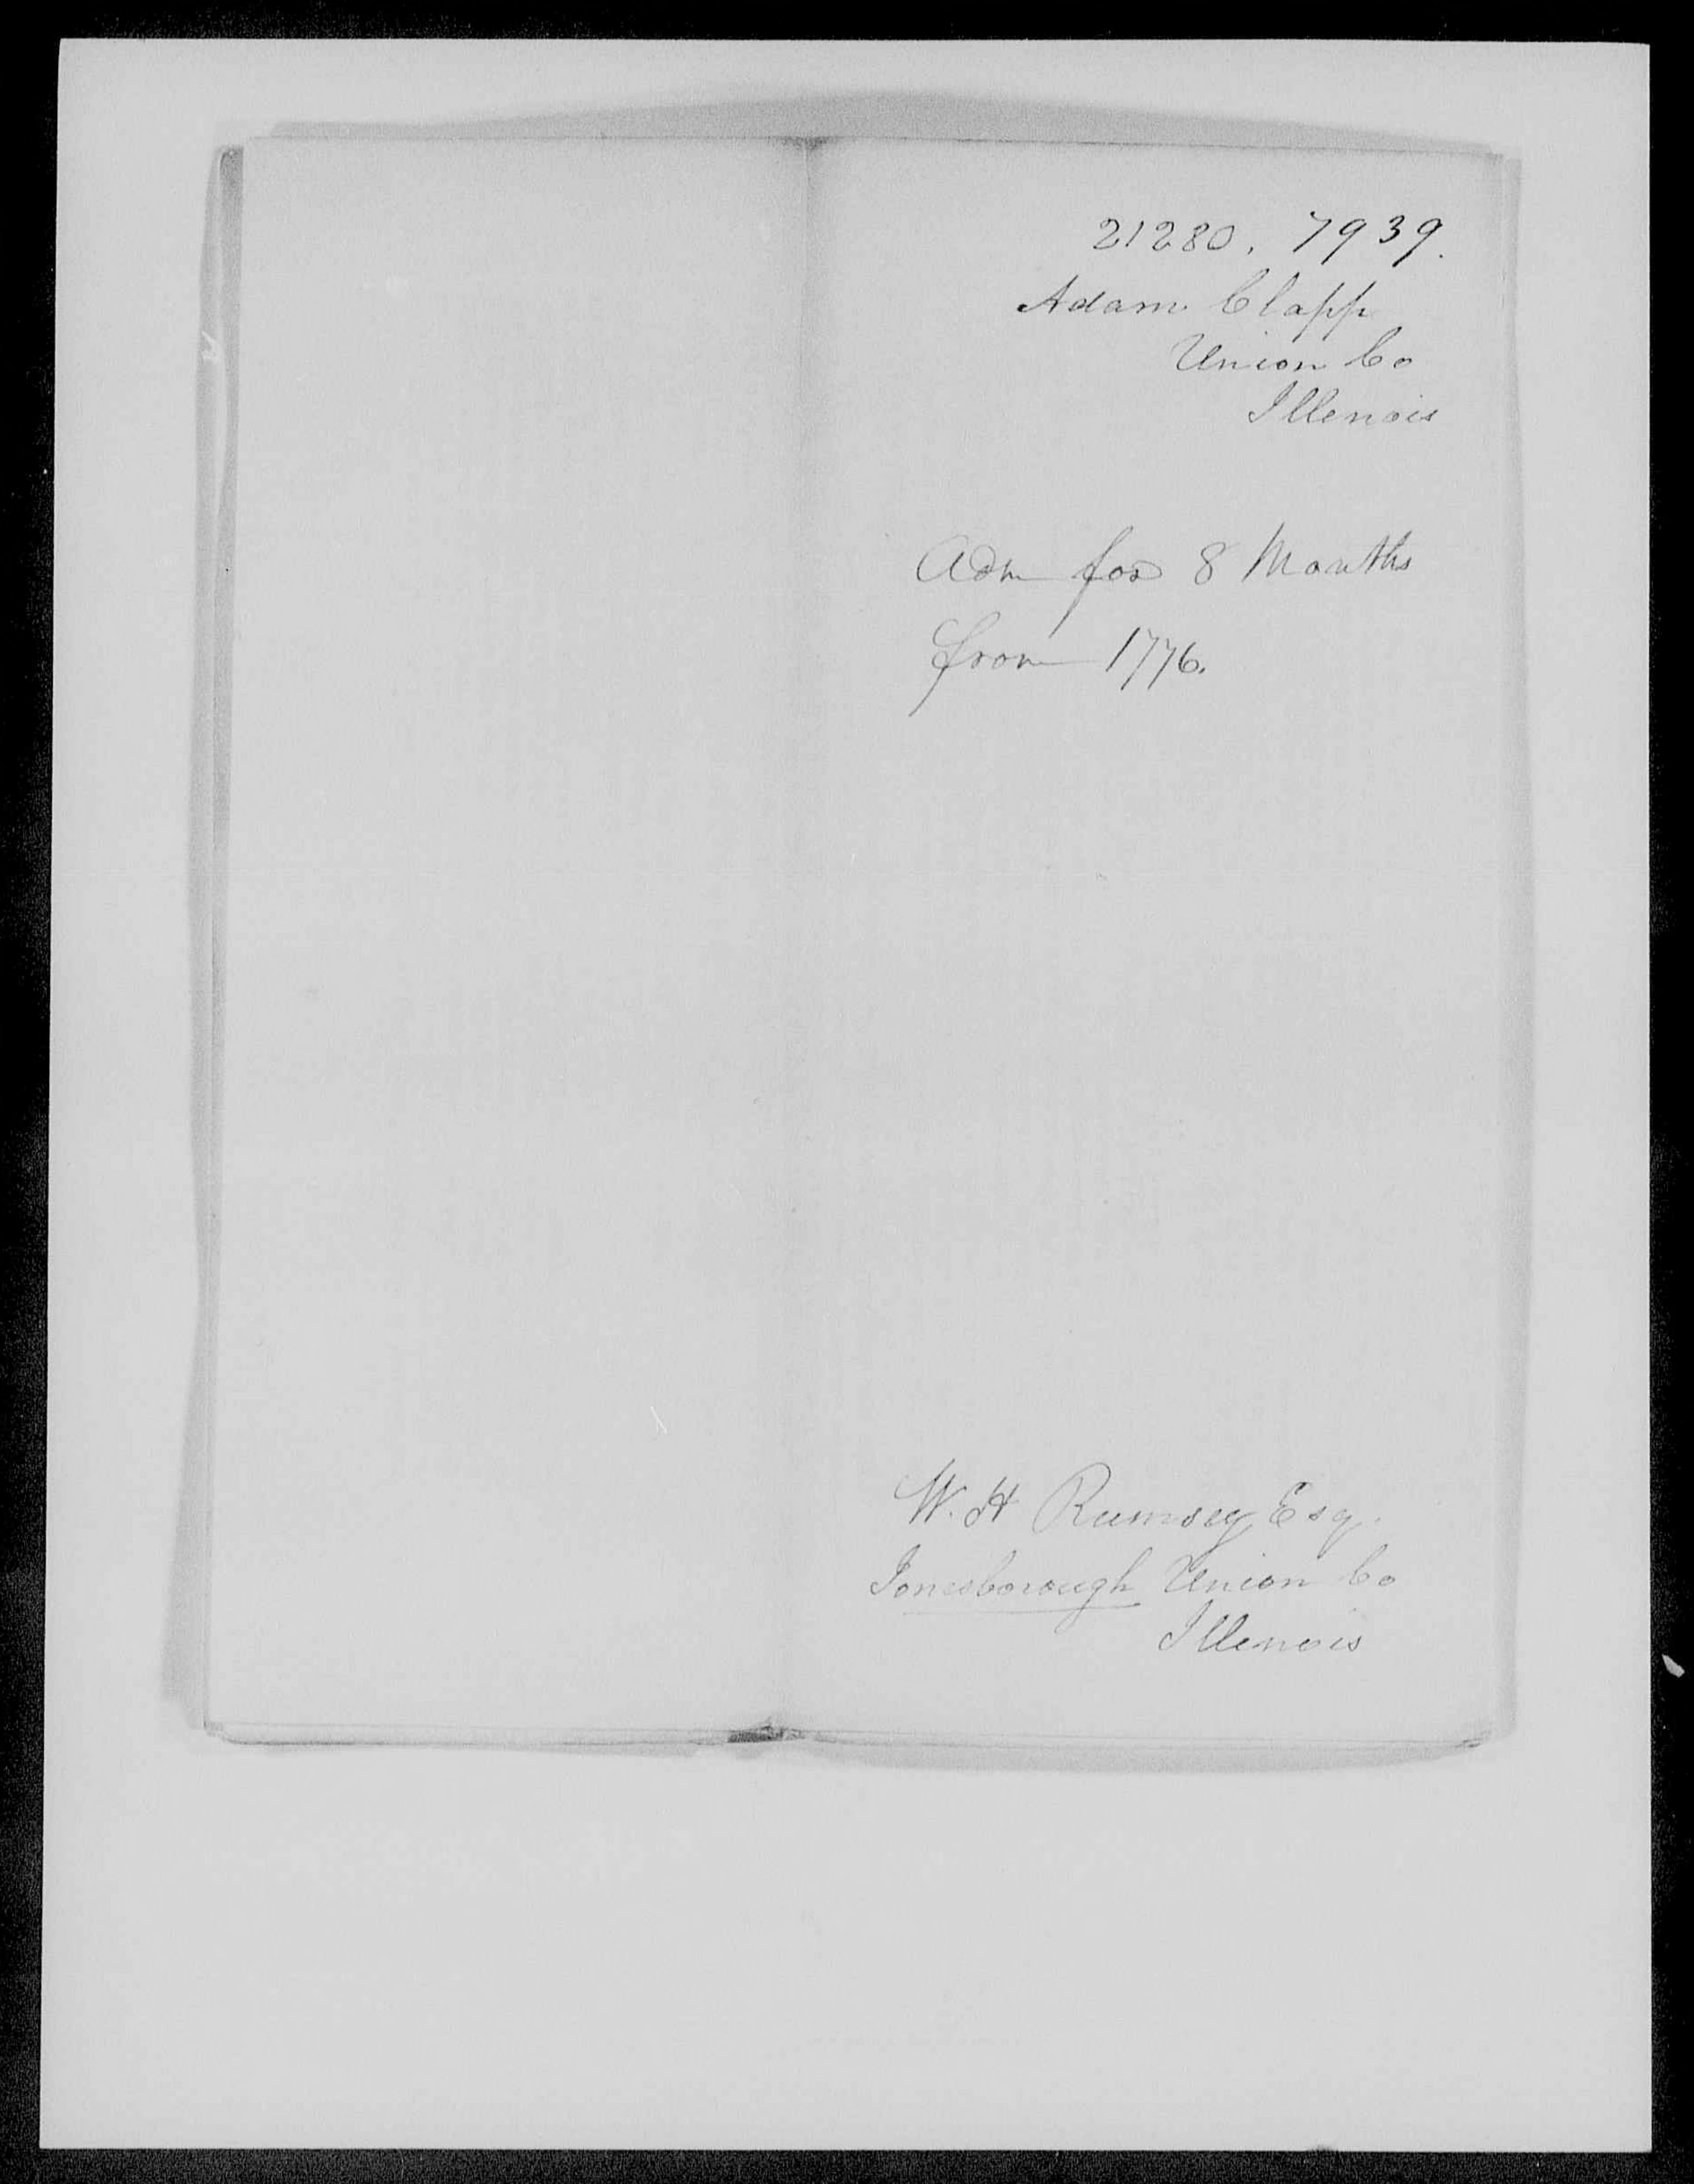21280, 7939.
Adam Clapp
Union Co
Illinois

Adm for 8 months
from 1776.

W.H. Rumsey Esq.
Jonesborough Union Co
Illinois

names: Adam Clapp, W H Rumsey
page: 7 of 23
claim: survivor's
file: S. 30,937, Adam Clapp, N.C.